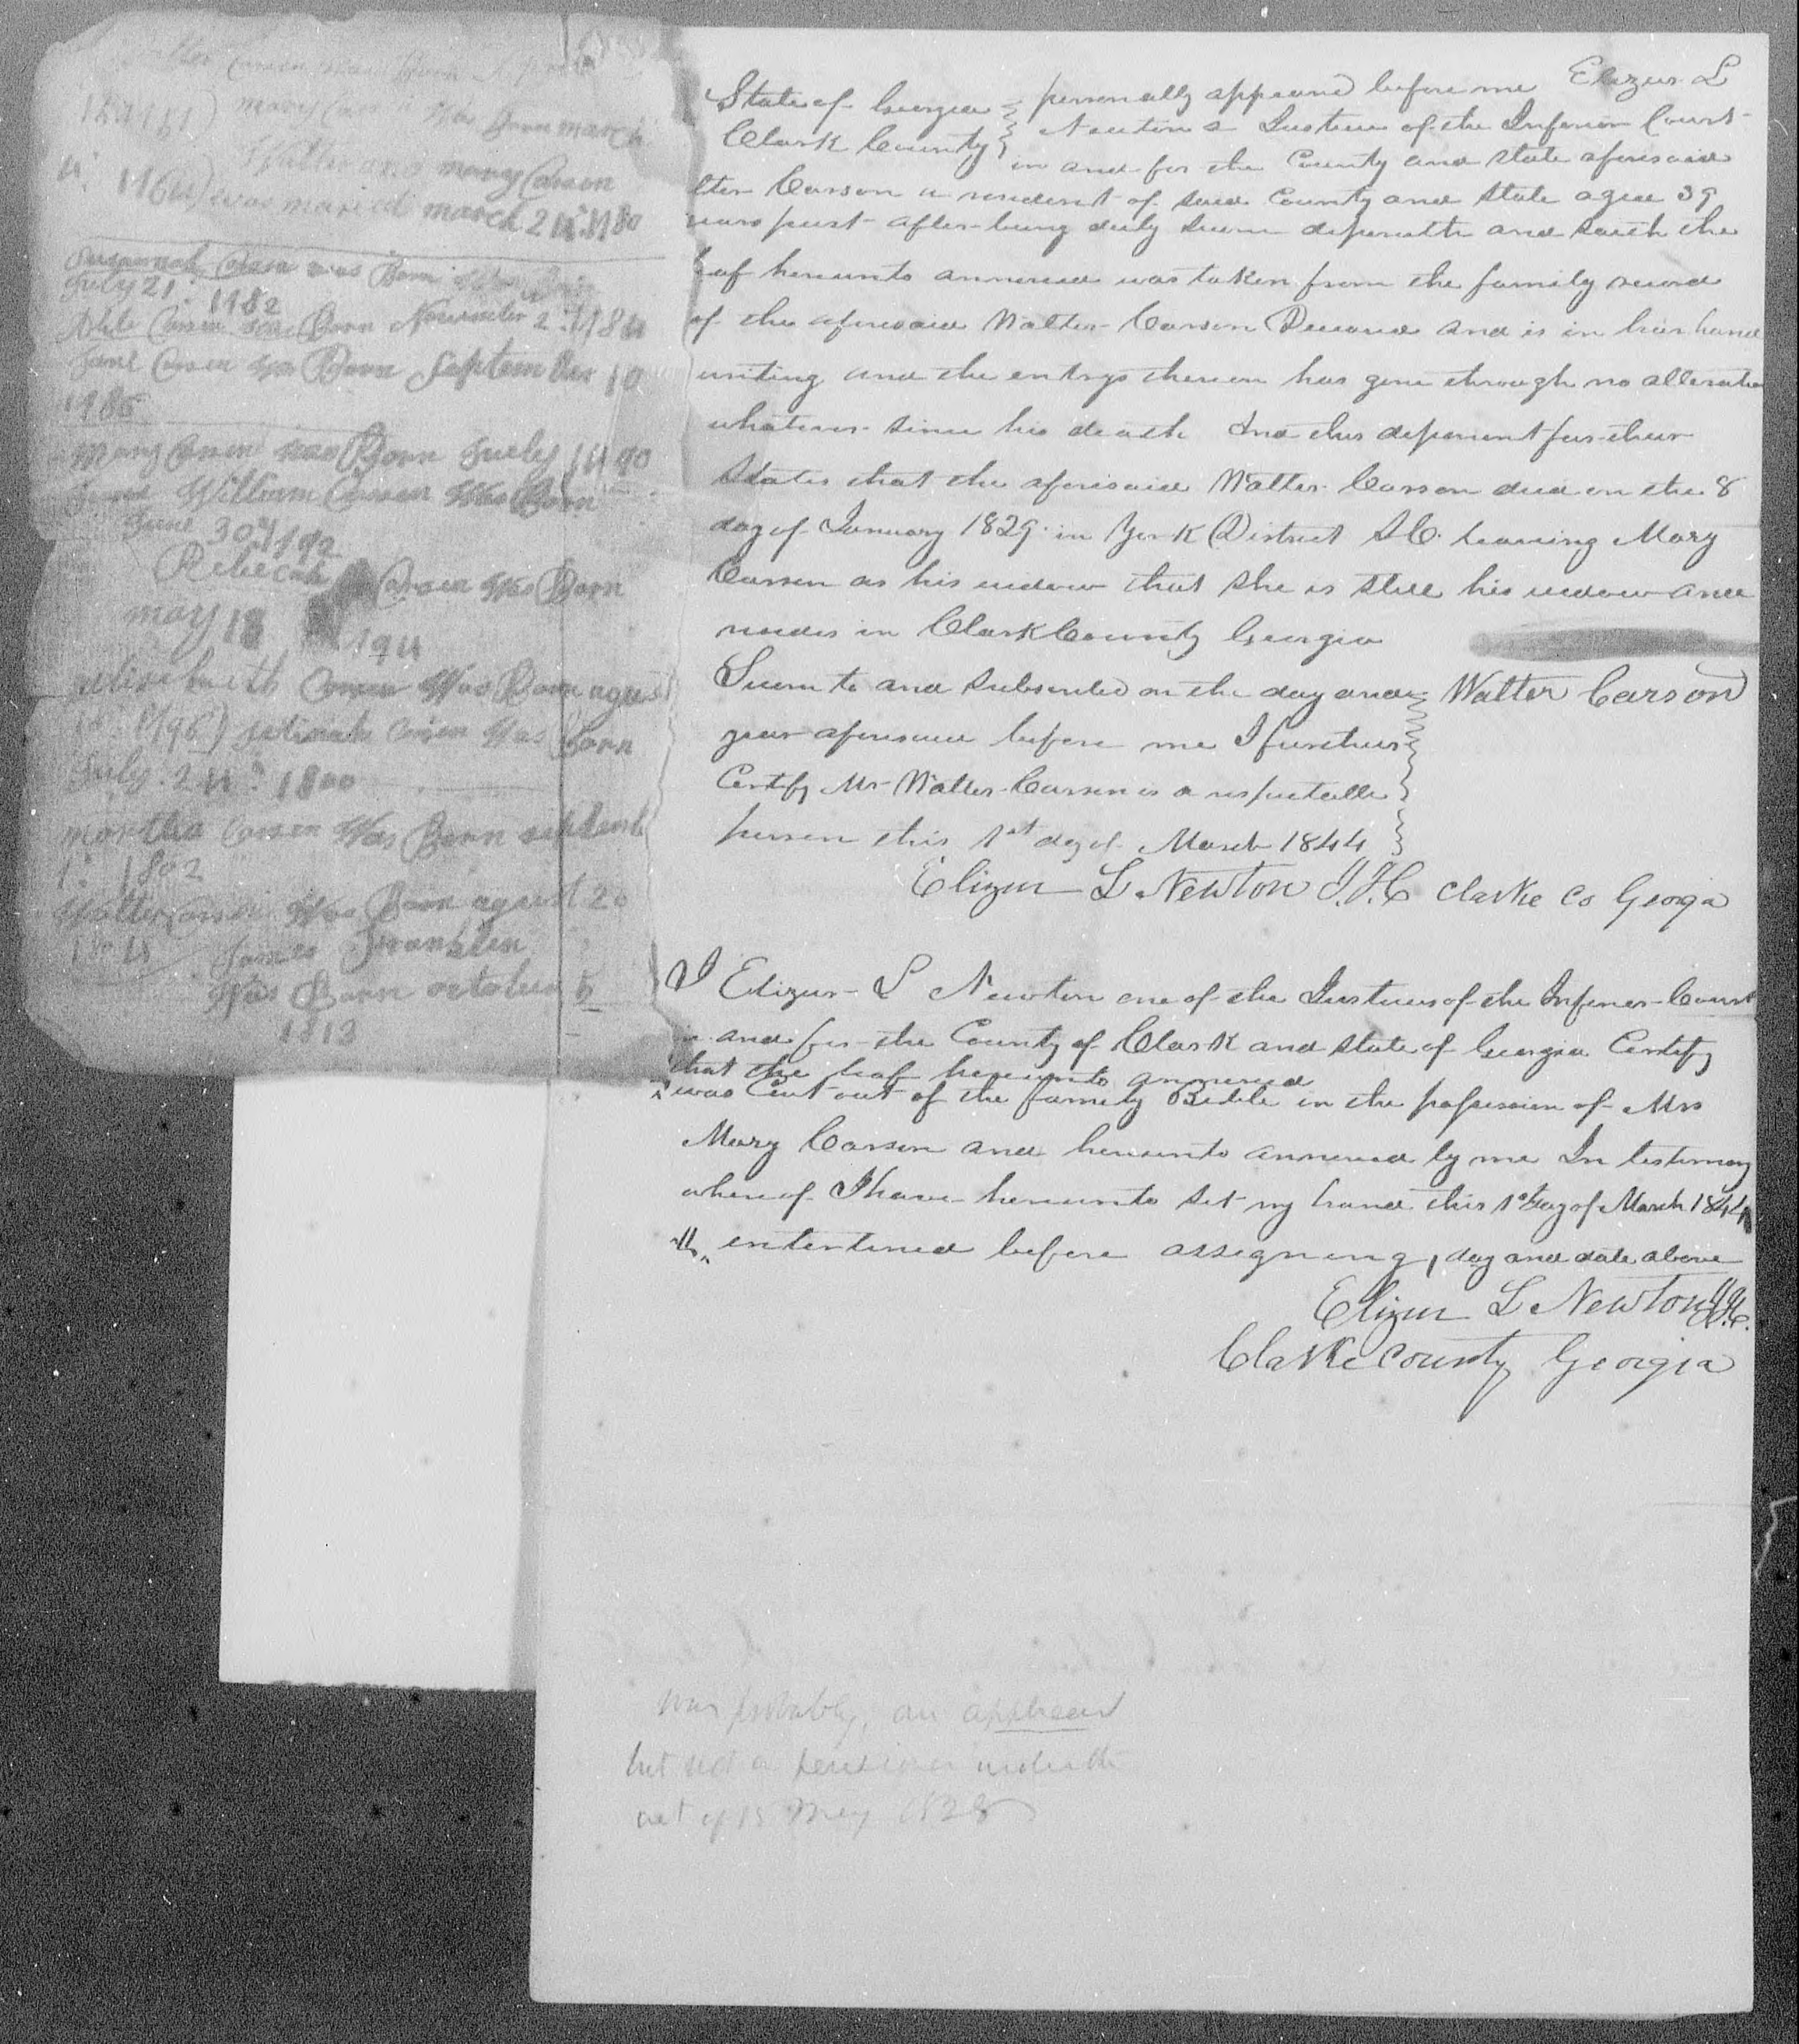[left page]
Walter Carson was Born April 15th 1751
Mary Carson was Born March 4th 1764
Walter and Mary Carson was married March 24th 1780
Susanah Carson was Born July 21st 1782
Abel Carson was Born November 2nd 1784
Jane Carson was Born September 10th 1786
Mary Carson was Born July 14th 1790
William Carson was Born June 30th 1792
Rebecca Carson was Born May 13th 1794
Elizabeth Carson was Born August 18 1796
Salinah Carson was Born July 24 1800
Martha Carson was Born September 7 1802
Walter Carson was Born August 20 1804
James Franklin was Born October 5 1813

[right page]
State of Georgia
Clark County
Personally appeared before me Elizur L. Newton a justice of the Inferior Court in and for the county and state aforesaid Walter Carson a resident of Said County and State aged 39 years past after being duly sworn deposeth and saith the leaf hereunto annexed was taken from the family record of the aforesaid Walter Carson Deceased and is in his handwriting and the entry therein has gone through no alteration whatever since his death. And this deponent further states that the aforesaid Walter Carson died on the 8 day of January 1829 in York District SC leaving Mary Carson as his widow that she is still his widow and resides in Clark County Georgia
Walter Carson
Sworn to and subscribed on the day and year aforesaid before me. I further certify Mr. Walter Carson is a respectable person this 1st day of March 1844. 
Elizur L. Newton J.I.C. Clarke Co Georgia

I Elizur L. Newton one of the Justices of the Inferior Court in and for the County of Clark and state of Georgia certify that the leaf hereunto annexed was cut out of the family Bible in the possession of Mrs Mary Carson and hereunto annexed by me in testimony whereof I have hereunto set my hand this 1st day of March 1844 the interlined before assigning day and date above.
Elizur L. Newton J.I.C. Clarke County, Georgia

[faint handwriting at bottom]
was probably an applicant but not a pensioner under the act of 15 May 1828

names: Walter Carson, Walter Carson, Elizur L Newton, Walter Carson, Elizur L Newton, Walter Carson, Mary Carson, Elizabeth Carson, Walter Carson, Mary Carson, Mary Carson, Walter Carson, Martha Carson, Rebecah Carson, William Carson, Walter Carson, Mary Carson, Walter Carson, James Franklin, Mary Carson, Abel Carson, Elizur L Newton, Jane Carson, Elizur L Newton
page: 5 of 34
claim: rejected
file: R. 1,738, Walter Carson, N.C. S.C.